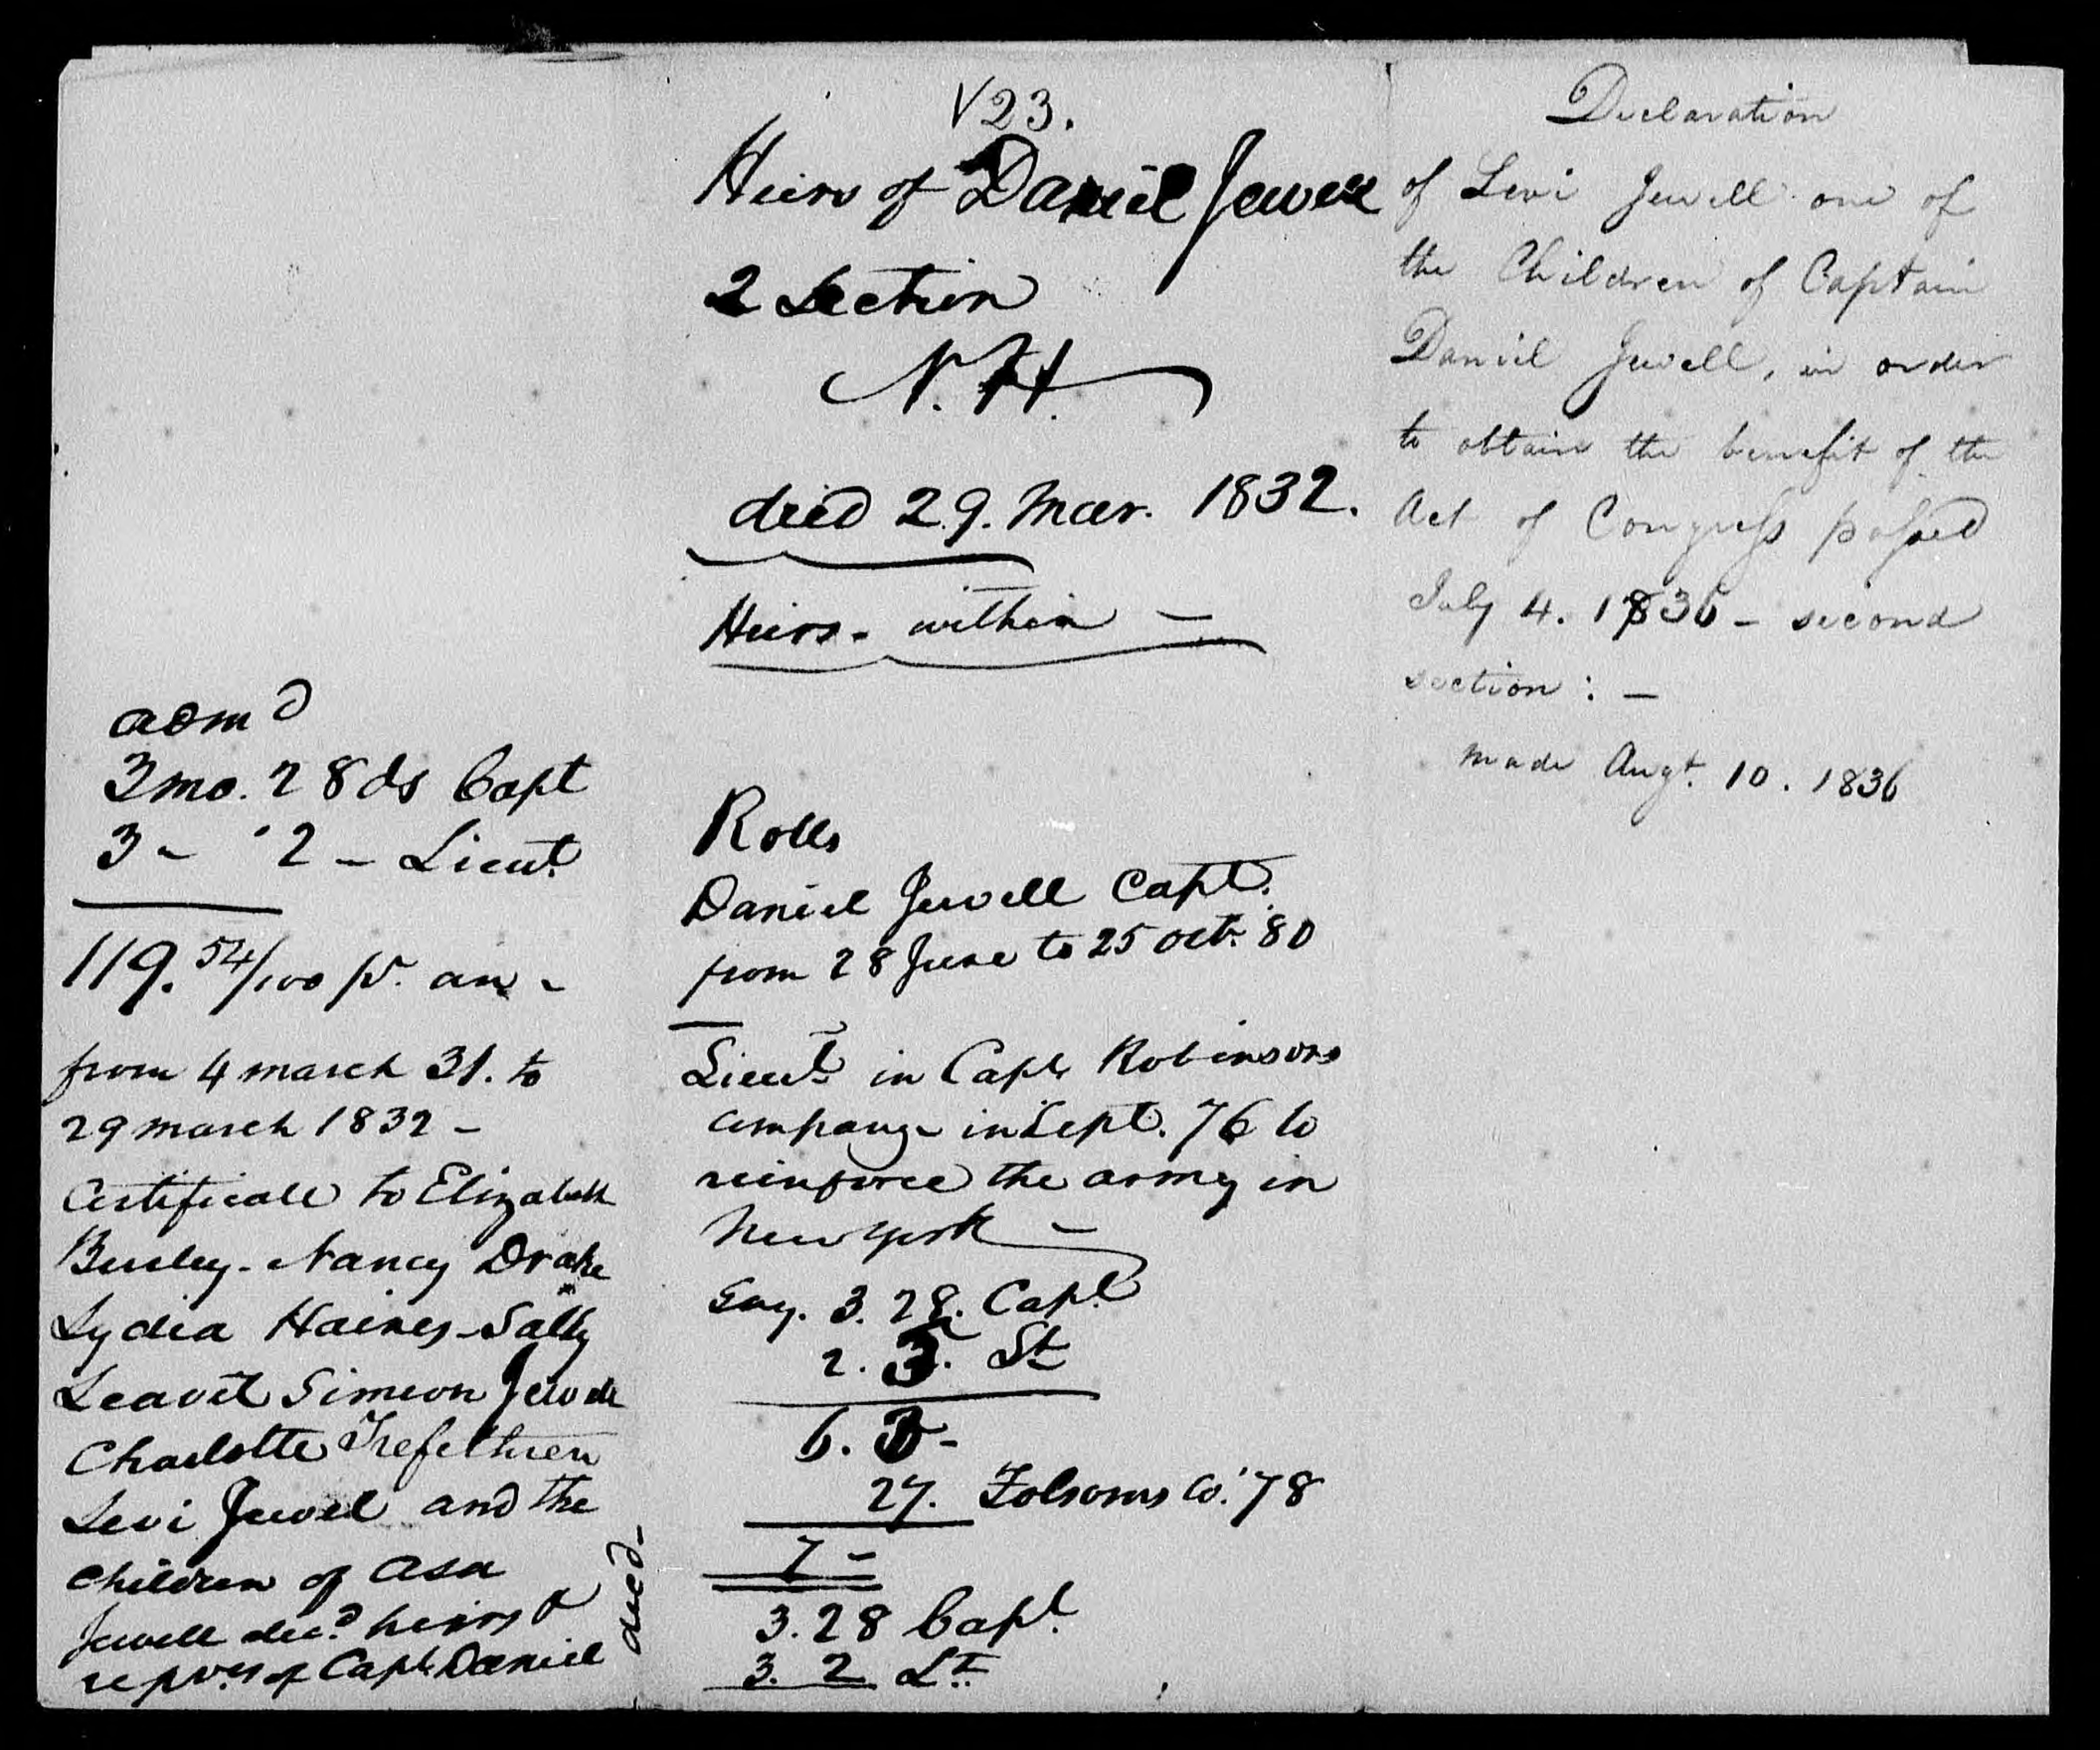[left side] Admd [ADMITTED]
3 mo. 28 ds [DAYS] Capt
3 [mo.] 2 [DAYS] - Lieut.
119.54/100 per an [ANNUM] from 4 March 1831. to 29 March 1832 -
Certificate to Elizabeth Burley- Nancy Drake
Lydia Haines Sally Leavit Simeon Jewell 
Charlotte Trefethren Levi Jewell and the
children of Asa Jewell dec'd [DECEASED] heirs & repres [REPRESENTATIVES] of Captain Daniel dec'd

[middle] V23.
Heirs of Daniel Jewell 2 Section N.H.
died 29. Mar 1832. Heirs within -
Rolls Daniel Jewell Capt. from 28 June to 25 Oct [17]80
Lieut in Capt. Robinsons [sic] company in Sept. [17]76 to reinforce the army in New York
[illegible] 3. 28. Capt.
2.3 Lt
___
6.3
 27. Folsom's Co. [17]'78
___
7-
___
3.28 Capt.
3.2. Lt
[right side] Declaration of Levi Jewell one of the Children of Captain Daniel Jewell, in order to obtain the benefit of the Act of Congress passed July 4. 1836 - second Section: -
made Augt. [AUGUST] 10. 1836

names: Charlotte Trefethren; Lydia Haines; Simeon Jewell; Levi Jewell; Daniel Jewell; Nancy Drake; Sally Leavit; Asa Jewell; Elizabeth Burley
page: 3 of 35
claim: survivor's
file: S. 10912, for Daniel Jewell, New Hampshire